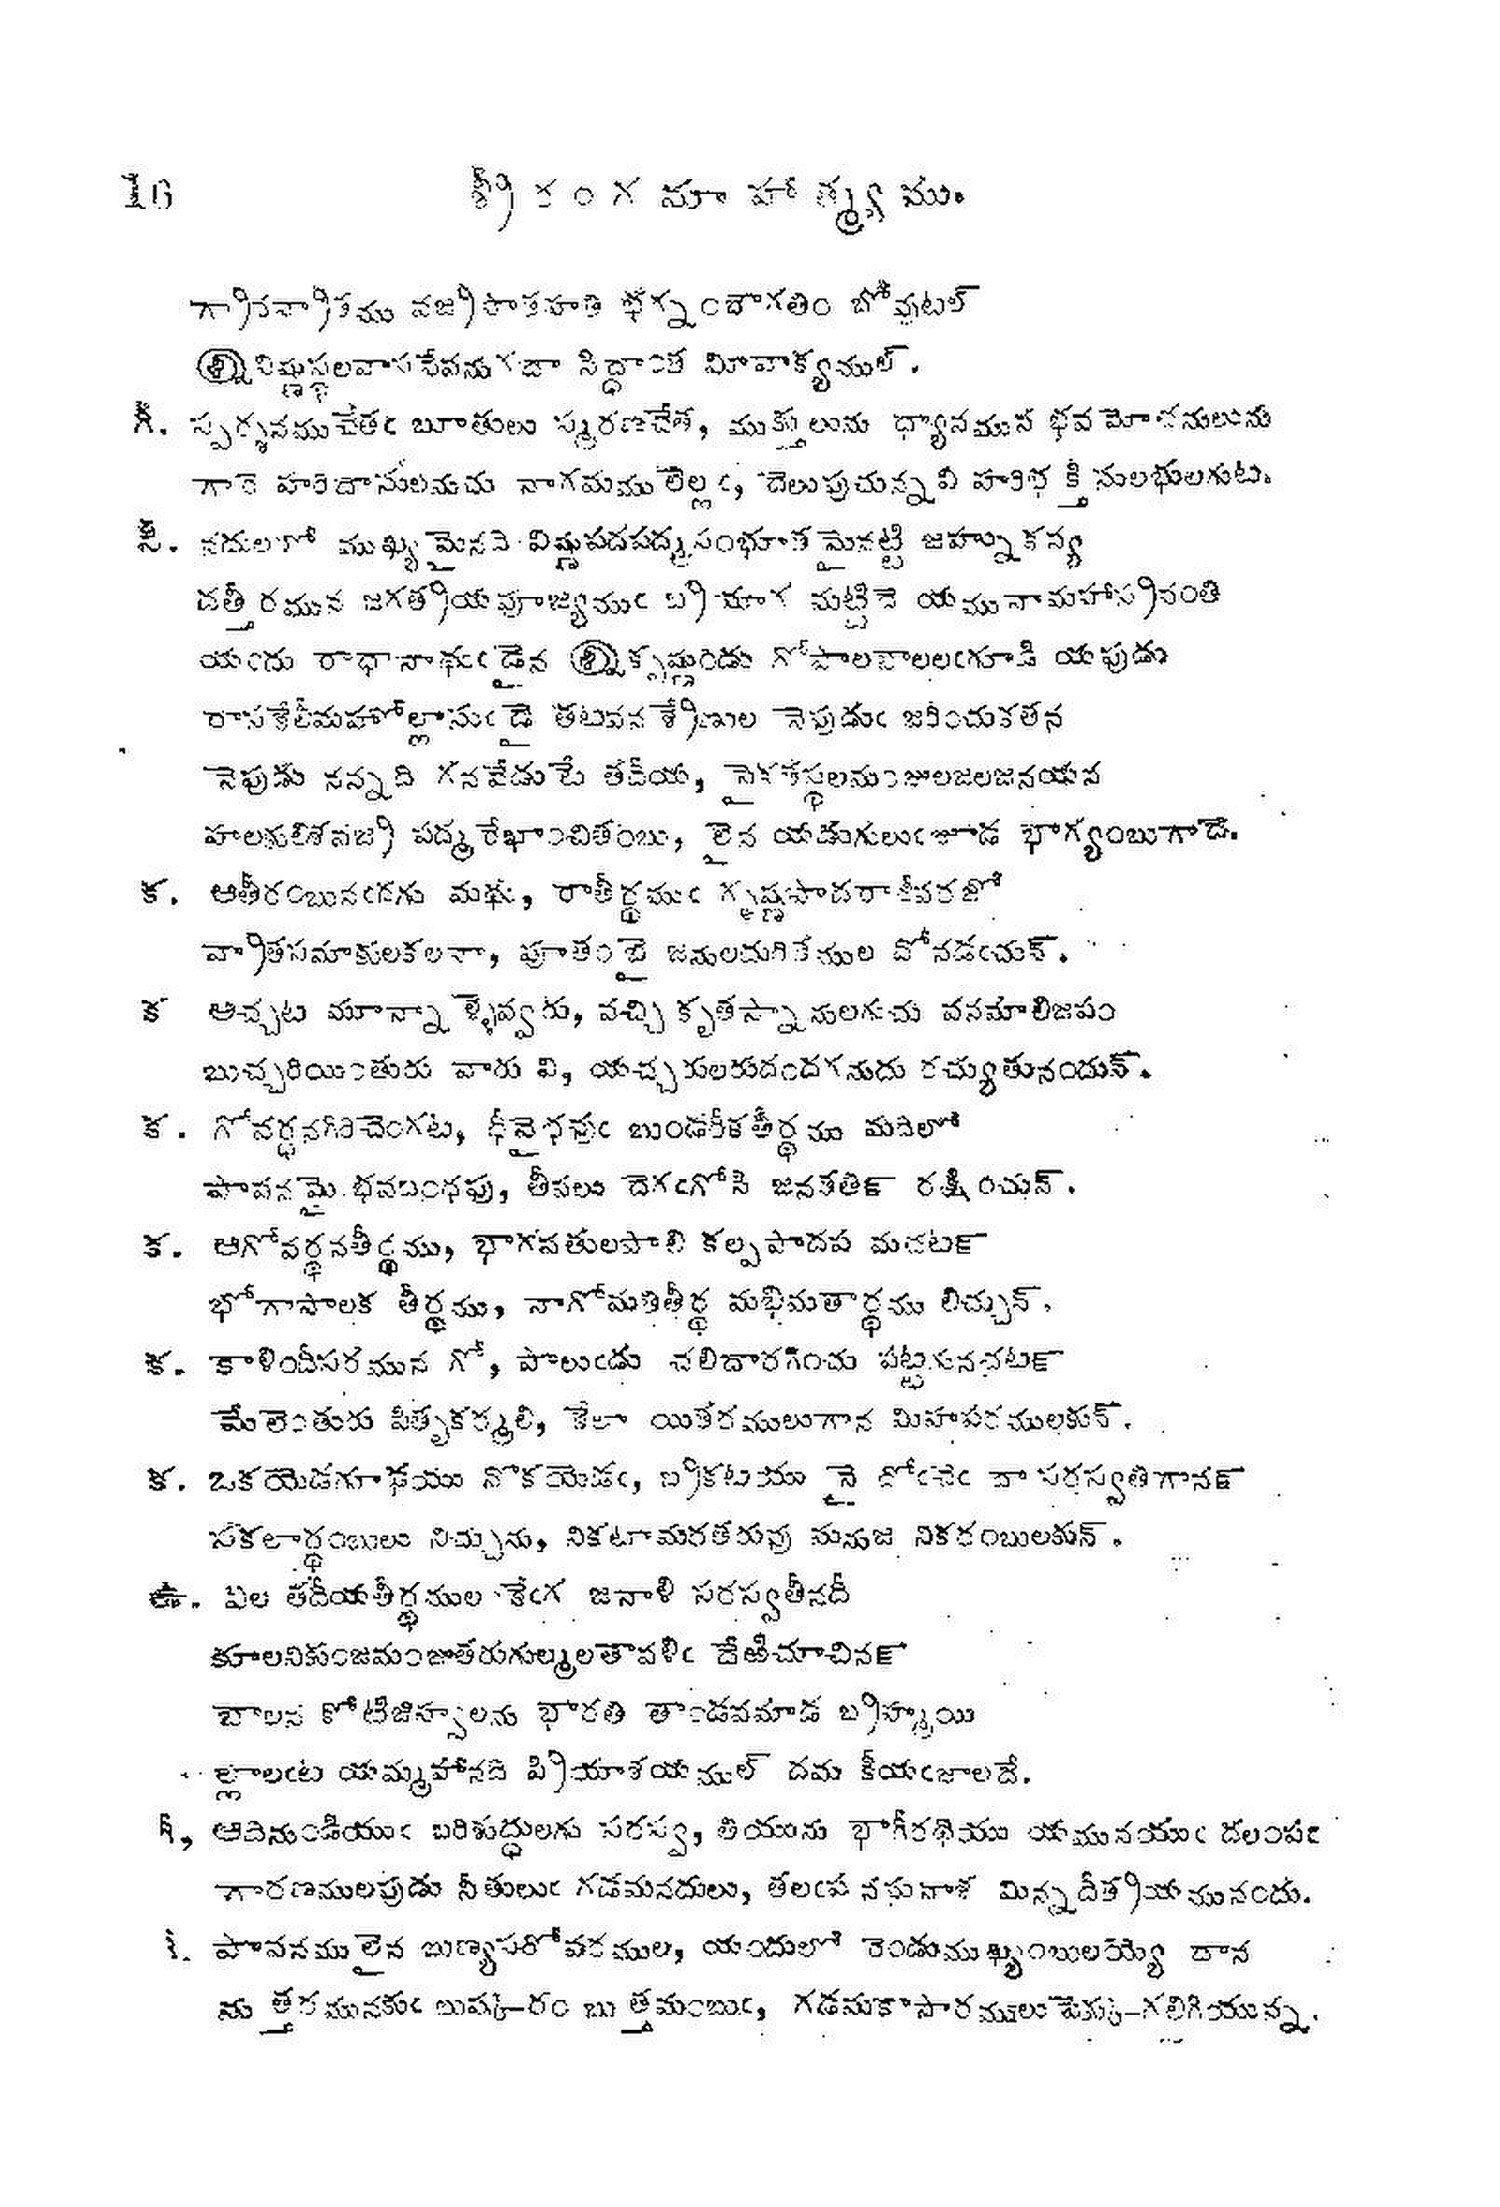గ్రావవ్రాతము వజ్రపాతహతి భగ్నంబౌగతిం బోవుటల్
 శ్రీవిష్ణుస్థలవాససేవనుగదా సిద్ధాంత మీవాక్యముల్.
గీ. స్పర్శనముచేతఁ బూతులు స్మరణచేత, ముక్తులును ధ్యానమున భవమోచనులును
 గారె హరిదాసులనుచు నాగమము లెల్లఁ, దెలుపుచున్నవి హరిభక్తి సులభులగుట.
సీ. నదులలో ముఖ్యమైనది విష్ణుపదపద్మసంభూతమైనట్టి జహ్నుకన్య
 దత్తీరమున జగత్రయపూజ్యముఁ బ్రయాగ మట్టిదె యమునామహాస్రవంతి
 యందు రాధానాథుఁడైన శ్రీకృష్ణుండు గోపాలబాలలఁగూడి యపుడు
 రాసకేలీమహోల్లాసుఁడై తటవనశ్రేణుల నెపుడుఁ జరించుకతన
 నెపుడు నన్నది గనవేడుటే తదీయ, సైకతస్థలమంజులజలజనయన
 హలకులిశవజ్రపద్మరేఖాంచితంబు, లైన యడుగులుఁ జూడ భాగ్యంబుగాదె.
క. ఆతీరంబునఁదగు మథు, రాతీర్థముఁ గృష్ణపాదరాజీవరజో
 వ్రాతసమాకులకలనా, పూతంబై జనులదురితముల వోనడచున్.
క. అచ్చట మూన్నాళ్ళెవ్వరు, వచ్చి కృతస్నానులగుచు వనమాలిజపం
 బుచ్చరియింతుకు వారు వి, యచ్చరు లరుదంద గనుదు రచ్యుతు నందున్.
క. గోవర్ధనగిరిచెంగట, ధీవైభవుఁ బుండరీకతీర్థము మదిలో
 పావనమై భవబంధపు, తీవలు దెగఁగోసి జనతతిక్ రక్షించున్.
క. ఆగోవర్థనతీర్థము, భాగవతులపాలి కల్పపాదప మచటన్
 భోగాపాలకతీర్థము, నాగోమతితీర్థ మభిమతార్థము లిచ్చున్.
క. కాళిందీసరమున గో, పాలుఁడు చలిదారగించు పట్టగు నచటన్
 మేలెంతురు పితృకర్మలి, కేలా యికరములుగాన మిహపరములకున్.
క. ఒకయెడ గూఢయు నొకయెడఁ, బ్రకటము నై దోఁచెఁ దా సరస్వతి గానన్
 సకలార్థంబులు నిచ్చును, నికటామరతరువు మనుజనికరంబులకున్.
ఉ. ఏల తదీయతీర్థముల కేఁగ జనాళి సరస్వతీనదీ
 కూలనికుంజమంజుతరుగుల్మలతావళిఁ దేఱిచూచినన్
 బాలన కోటిజిహ్వలను భారతి తాండవమాడ బ్రహ్మయి
 ల్లాలఁట యమ్మహానది ప్రియాశయముల్ దమ కీయఁజాలదే.
గీ. ఆదినుండియుఁ బరిశుద్ధులగు సరస్వ, తియును భాగీరథియు యమునయుఁ దలంపఁ
 గారణము లపుడు నీతులు గడమనదులు, తలఁప నఘనాశ మిన్నదీత్రయమునందు.
గీ. పావనములైన బుణ్యసరోవరముల, యందులో రెండుముఖ్యంబులయ్యె దాన
 నుత్తరమునకుఁ బుష్కరం బుత్తమంబుఁ, గడమ కాసారములు పెక్కు గలిగియున్న.